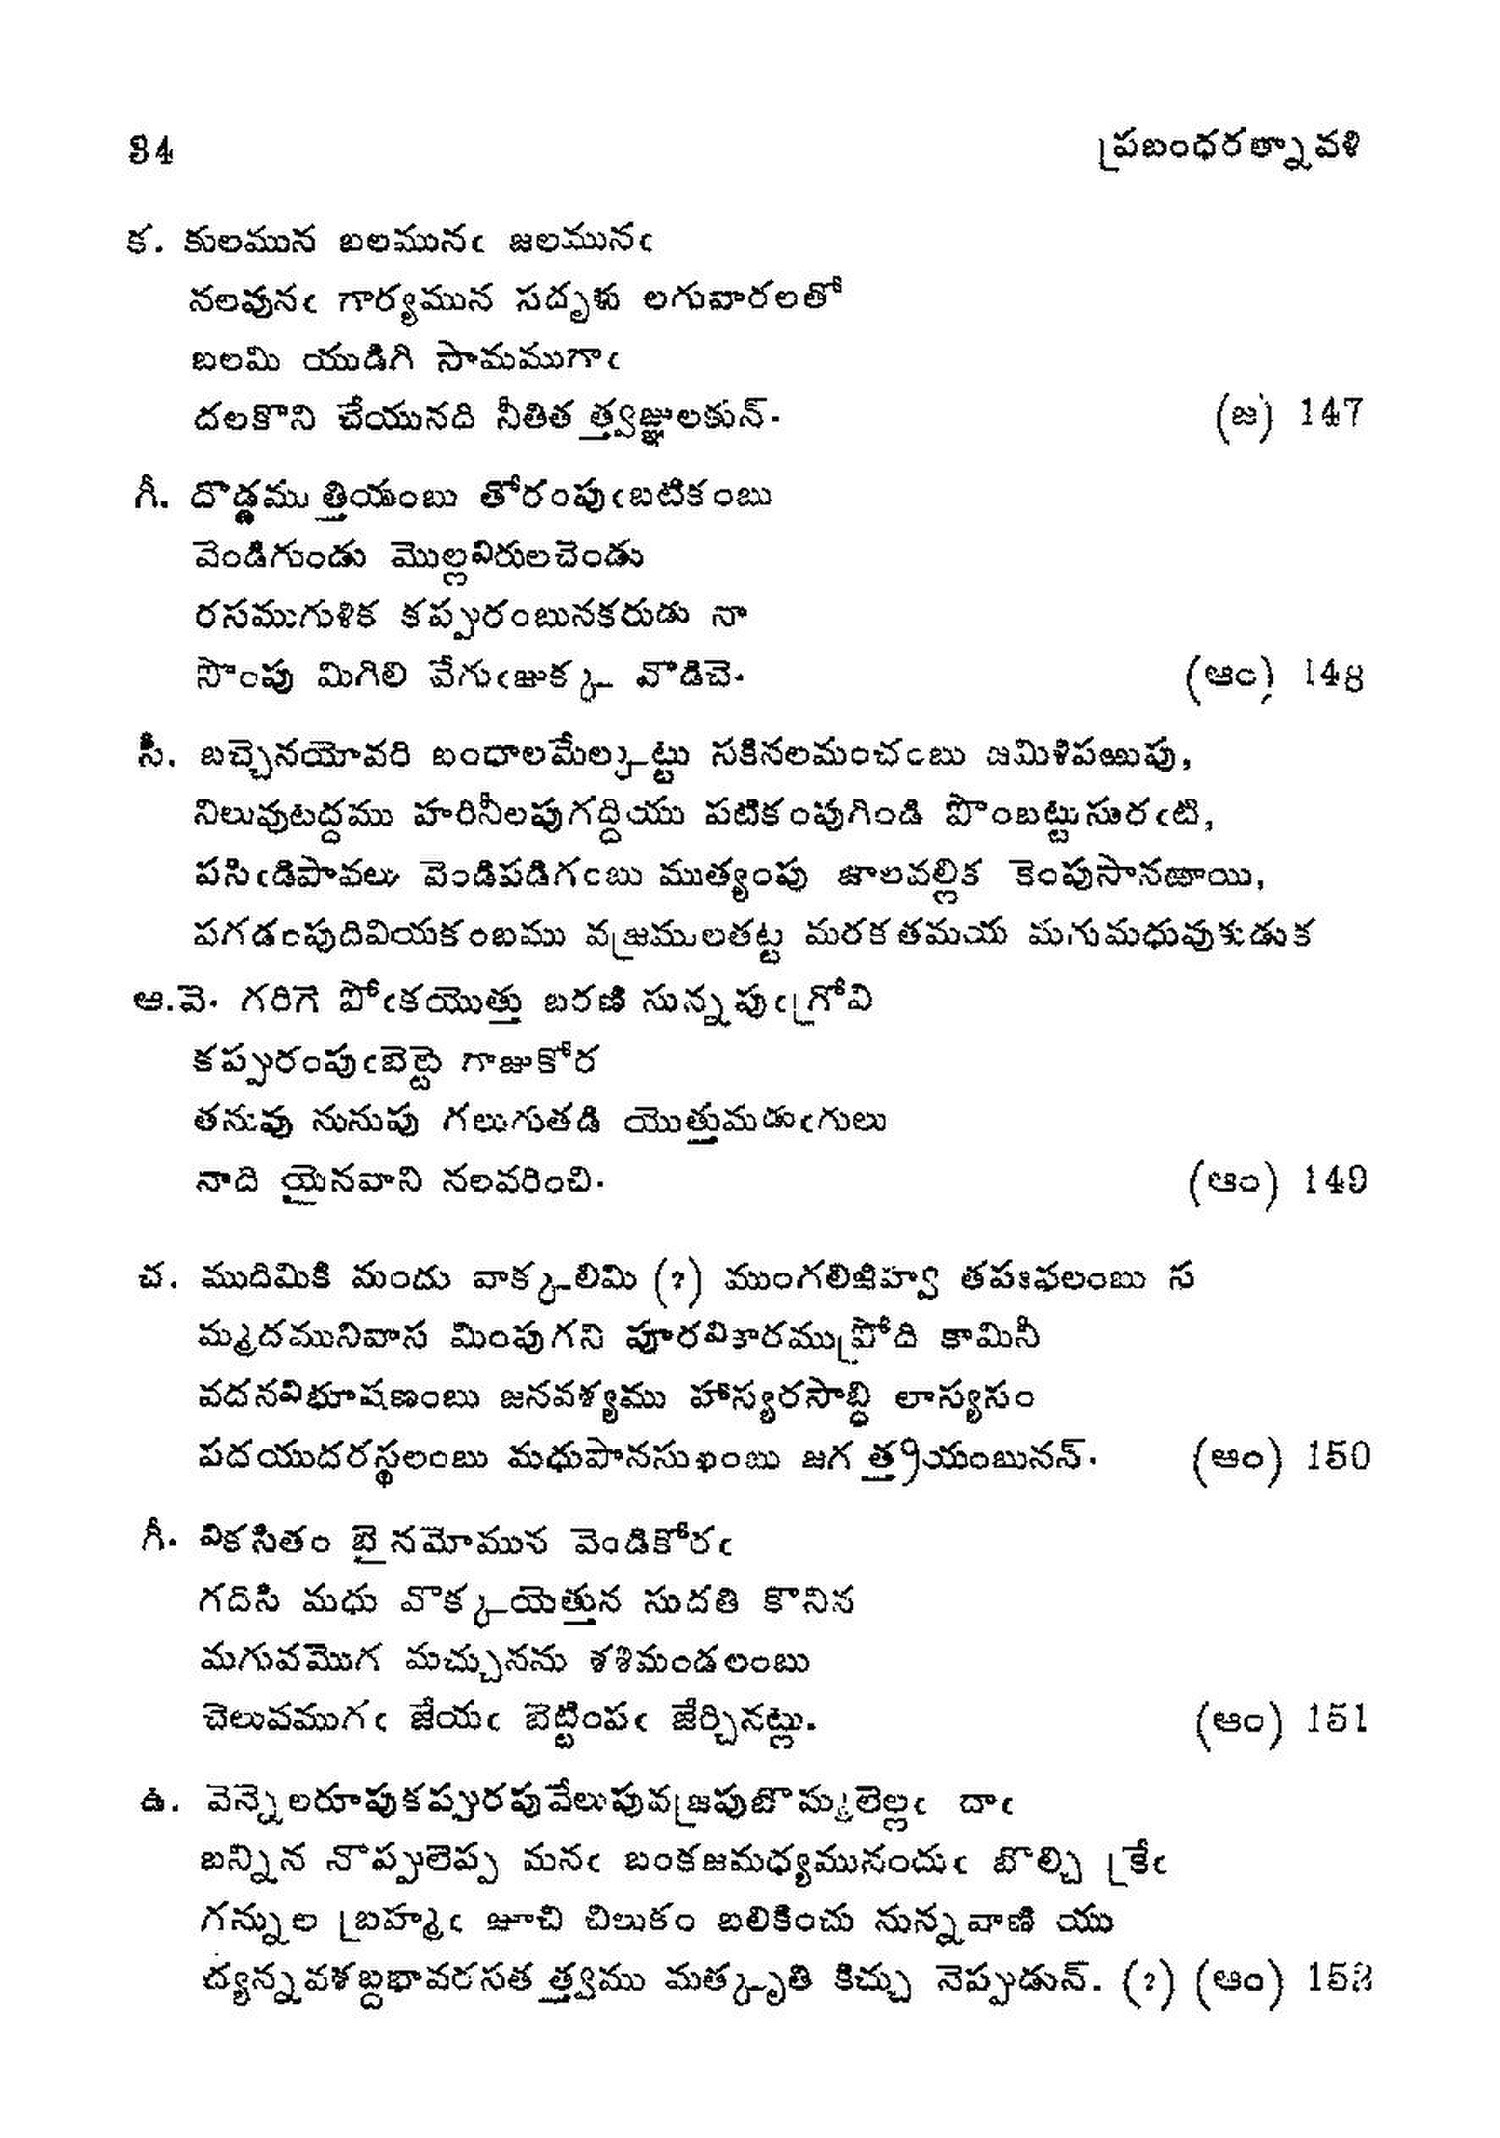క. కులమున బలమునఁ జలమునఁ
నలవునఁ గార్యమున సదృశులగువారలతో
బలిమి యుడిగి సామముగాఁ
దలకొని చేయునది నీతి తత్త్వజ్ఞులకున్. (జ) 147

గీ. దొడ్డముత్తియంబు తోరంపుఁబటికంబు
వెండిగుండు మొల్లవిరులచెండు
రసముగుళిక కప్పురంబున కరుడు నా
సొంపు మిగిలి వేగుఁజుక్క వొడిచె. (ఆం) 148

సీ. బచ్చనయోవరి బంధాలమేల్కట్టు సకినల మంచంబు జమిళిపఱుపు,
నిలువుటద్దము హరినీలపు గద్దియ పటికంపుగిండి పొంబట్టుసురఁటి,
పసిఁడిపావలు వెండిపడిగంబు ముత్యంపు జాలవల్లిక కెంపుసానఱాయి,
పగడంపుదివియకంబము వజ్రముల తట్ట మరకతమయమగు మధువుకుడుక,
ఆ. గరిగె పోఁక యొత్తు బరణి సున్నపుఁ గ్రోవి
కప్పురంపుఁబెట్టె గాజుకోర
తనువు నునుపు గలుగుతడి యొత్తుమడుఁగులు
నాది యైనవాని నలవరించి. (ఆం) 149

చ. ముదిమికి మందు వాక్కలిమి[?] ముంగలిజిహ్వ తపఃఫలంబు స
మ్మదమునివాస మింపుగని మారవికారముప్రోది కామినీ
వదనవిభూషణంబు జనవశ్యము హాస్యరసాబ్ధి లాస్య సం
పద యుదరస్థలంబు మధుపానసుఖంబు జగత్త్రయంబునన్. (ఆం) 150

గీ. వికసితంబైన మోమున వెండికోరఁ
గదిసి మధువొక్కయెత్తున సుదతి కొనిన
మగువమొగ మచ్చునను శశిమండలంబు
చెలువముగఁ జేయఁ బెట్టింపఁ జేర్చినట్లు. (ఆం) 151

ఉ. వెన్నెలరూపుకప్పురపువేలుపువజ్రపుబొమ్మలెల్లఁ దాఁ
బన్నిన నొప్పులెప్ప మనఁ బంకజమధ్యమునందుఁ బొల్చి క్రేఁ
గన్నుల బ్రహ్మఁ జూచి చిలుకం బలికించుచు నున్నవాణి యు
ద్యన్నవశబ్దభావరసతత్త్వము మత్కృతి కిచ్చు నెప్పుడున్[?] (ఆం) 152